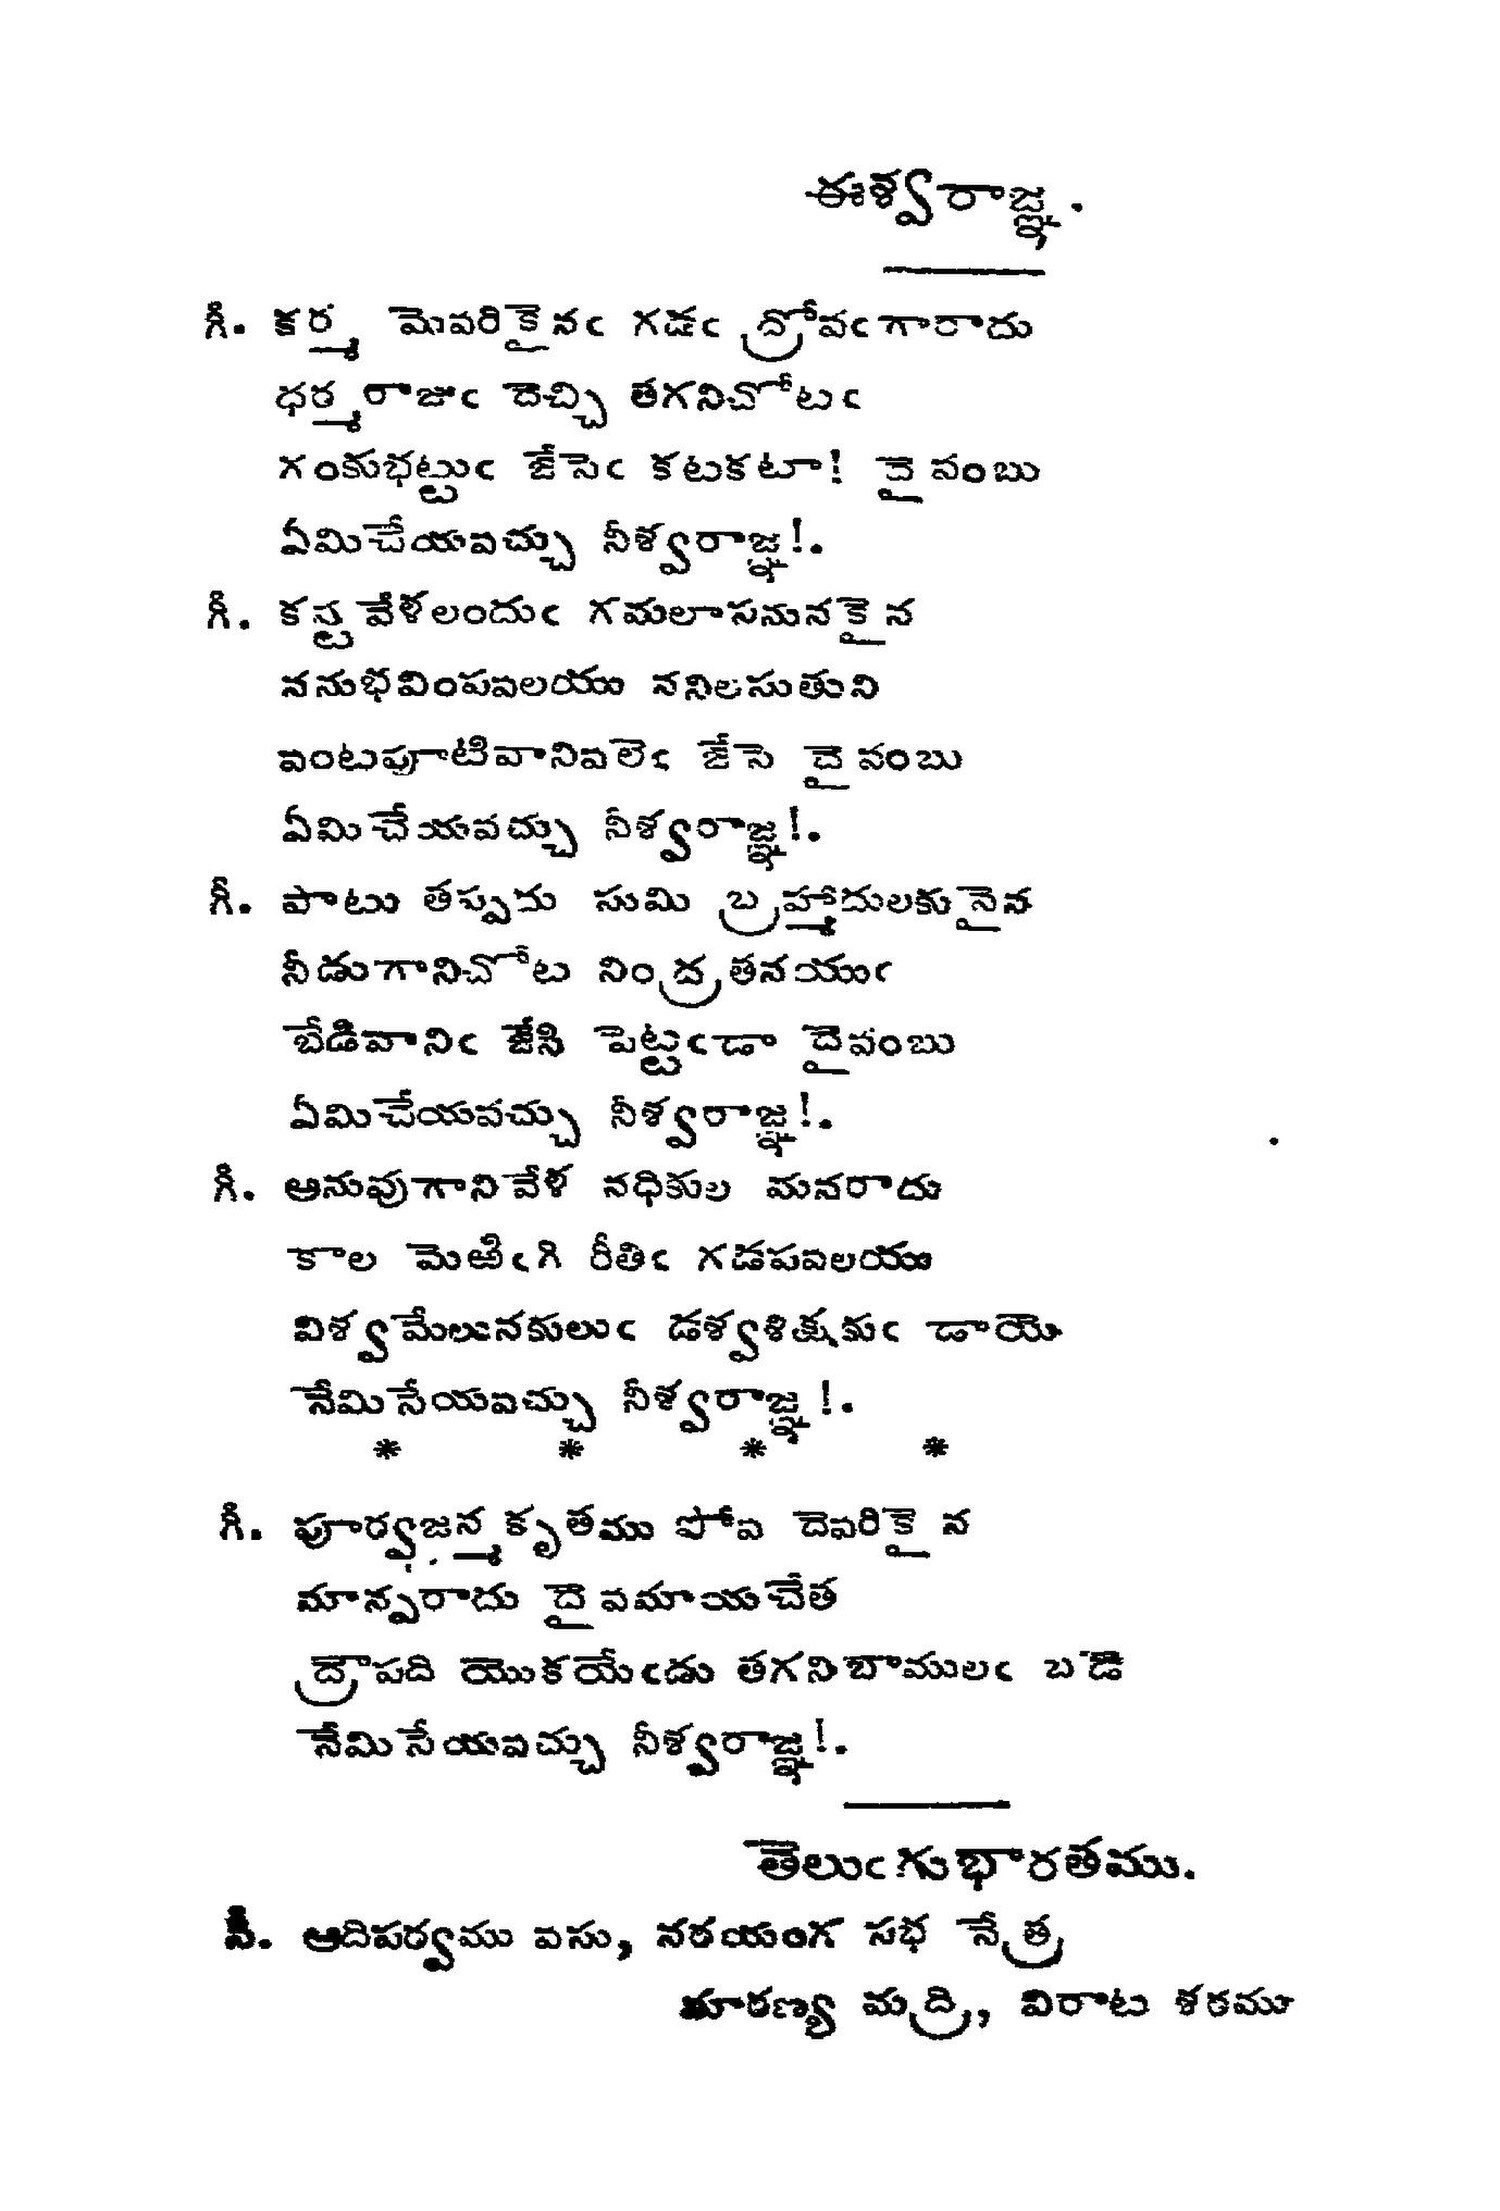గీ. కర్మ మెవరికైనఁ గడఁ ద్రోవఁగారాదు
 ధర్మరజుఁ దెచ్చి తగనిచోటఁ
 గంకుభట్టుఁ జేసెఁ గటకటా! దైవంబు
 ఏమి చేయవచ్చు నీశ్వరాజ్ఞ!
గీ. కష్టవేళలందుఁ గమలాసనునకైన
 ననుభవింపవలయు ననిలసుతుని
 వంటపూటివానివలెఁ జేసె దైవంబు
 ఏమి చేయవచ్చు నీశ్వరాజ్ఞ!
గీ. పాటు తప్పదు సుమి బ్రహ్మాదులకునైన
 నీడుగానచోట నింద్రతనయుఁ
 బేడివానిఁ జేసి పెట్టఁడా దైవంబు
 ఏమి చేయవచ్చు నీశ్వరాజ్ఞ!
గీ. అనువుగానివేళ నధికుల మనరాదు
 కాల మెఱిఁగి రీతిఁ గడపవలయు
 విశ్వమేలునకులుఁ డశ్వశిక్షకుఁడాయె
 నేమి సేయవచ్చు నీశ్వరాజ్ఞ!
గీ. పూర్వజన్మకృతము పోవ దెవరికైన
 మాన్పరాదు దైవమాయచేత
 ద్రౌపది యొకయేఁడు తగనిబాములఁ బడె
 నేమి సేయవచ్చు నీశ్వరాజ్ఞ!

సీ. ఆదిపర్వము వసు, వరయంగ సభ నేత్ర
 మారణ్య మద్రి, విరాట శరము